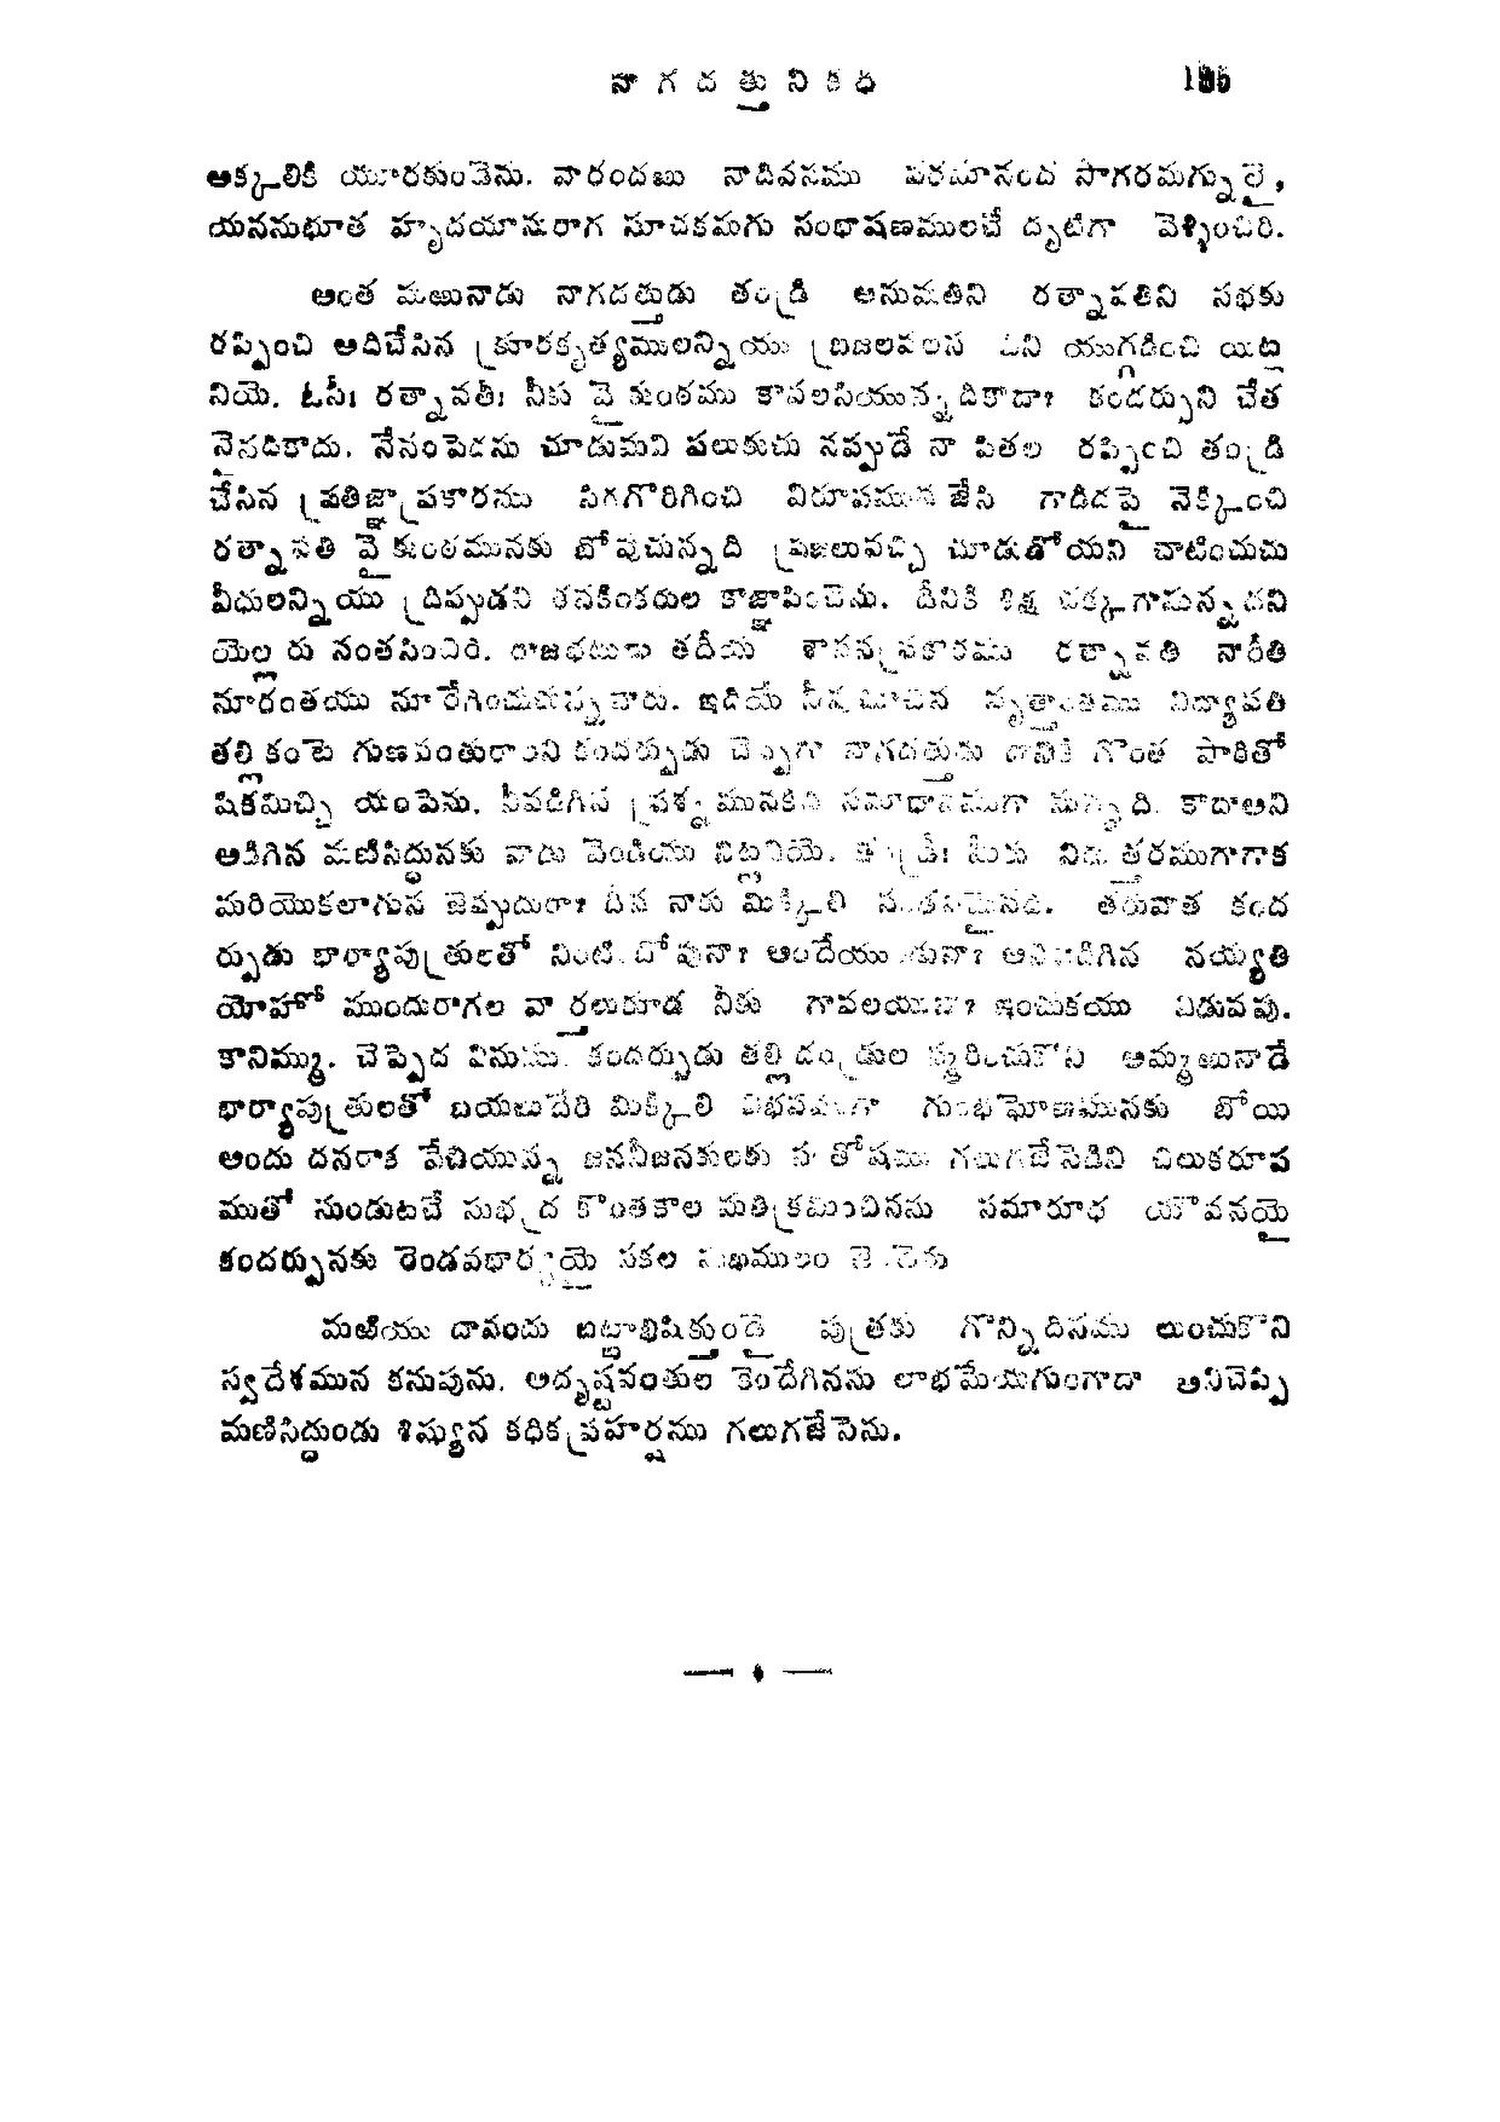అక్కలికి యూరకుండెను. వారందఱు నాదివసము పరమానందసాగరమగ్నులై, యననుభూత హృదయానురాగ సూచకమగు సంభాషణములచే దృటిగా వెళ్ళించిరి.

అంత మఱునాడు నాగదత్తుడు తండ్రి అనుమతిని రత్నావతిని సభకు రప్పించి అదిచేసిన క్రూరకృత్యములన్నియు బ్రజలవలన విని యుగ్గడించి యిట్లనియె. ఓసీ! రత్నావతీ! నీకు వైకుంఠము కావలసియున్నదికాదా? కందర్పుని చేత నైనదికాదు. నేనంపెదను చూడుమని పలుకుచు నప్పుడే నా పితల రప్పించి తండ్రి చేసిన ప్రతిజ్ఞాప్రకారము సిగగొరిగించి విరూపమును జేసి గాడిదపై నెక్కించి
రత్నావతి వైకుంఠమునకు బోవుచున్నది. ప్రజలువచ్చి చూడుడోయని చాటించుచు వీధులన్నియు ద్రిప్పుడని తనకింకరుల కాజ్ఞాపించెను. దీనికి శిక్ష చక్కగానున్నదని యెల్లరు సంతసించిరి. రాజభటులు తదీయ శాసనప్రకారము రత్నావతి నారీతి నూరంతయు నూరేగించుచున్న వారు. ఇదియే నీవుచూచిన వృత్తాంతము విద్యావతి తల్లికంటె గుణవంతురాలని కందర్పుడు చెప్పగా నాగదత్తుడు దానికి గొంత పారితోషికమిచ్చి యంపెను. నీవడిగిన ప్రశ్నమున కిది సమాధానముగా నున్నది. కాదాఅని
అడిగిన మణిసిద్ధునకు వాడు వెండియు నిట్లనియె. తండ్రీ మీకు నిరుత్తరముగా గాక మరియొకలాగున జెప్పుదురా ? దీన నాకు మిక్కిలి సంతసమైనది. తరువాత కందర్పుడు భార్యాపుత్రులతో నింటికి బోవునా? అందేయుండునా? అనినడిగిన నయ్యతి యోహో ముందురాగల వార్తలుకూడ నీకు గావలయునా? ఇంచుకయు విడువవు. కానిమ్ము. చెప్పెద వినుము. కందర్పుడు తల్లిదండ్రుల స్మరించుకొని అమ్మఱునాడే భార్యాపుత్రులతో బయలుదేరి మిక్కిలి విభవముగా గుంభఘోణమునకు బోయి అందు దనరాక వేచియున్న జననీజనకులకు సంతోషము గలుగజేసెడిని చిలుకరూపముతో నుండుటచే సుభద్ర కొంతకాల మతిక్రమించినను సమారూఢ యౌవనయై కందర్పునకు రెండవభార్యయై సకల సుఖములం జెందెను.

మఱియు దానందు బట్టాభిషిక్తుండై పుత్రకు గొన్నిదినము లుంచుకొని స్వదేశమున కనుపును. అదృష్టవంతుల కెందేగినను లాభమేయగుంగదా అనిచెప్పి మణిసిద్ధుండు శిష్యున కధికప్రహర్షము గలుగజేసెను.